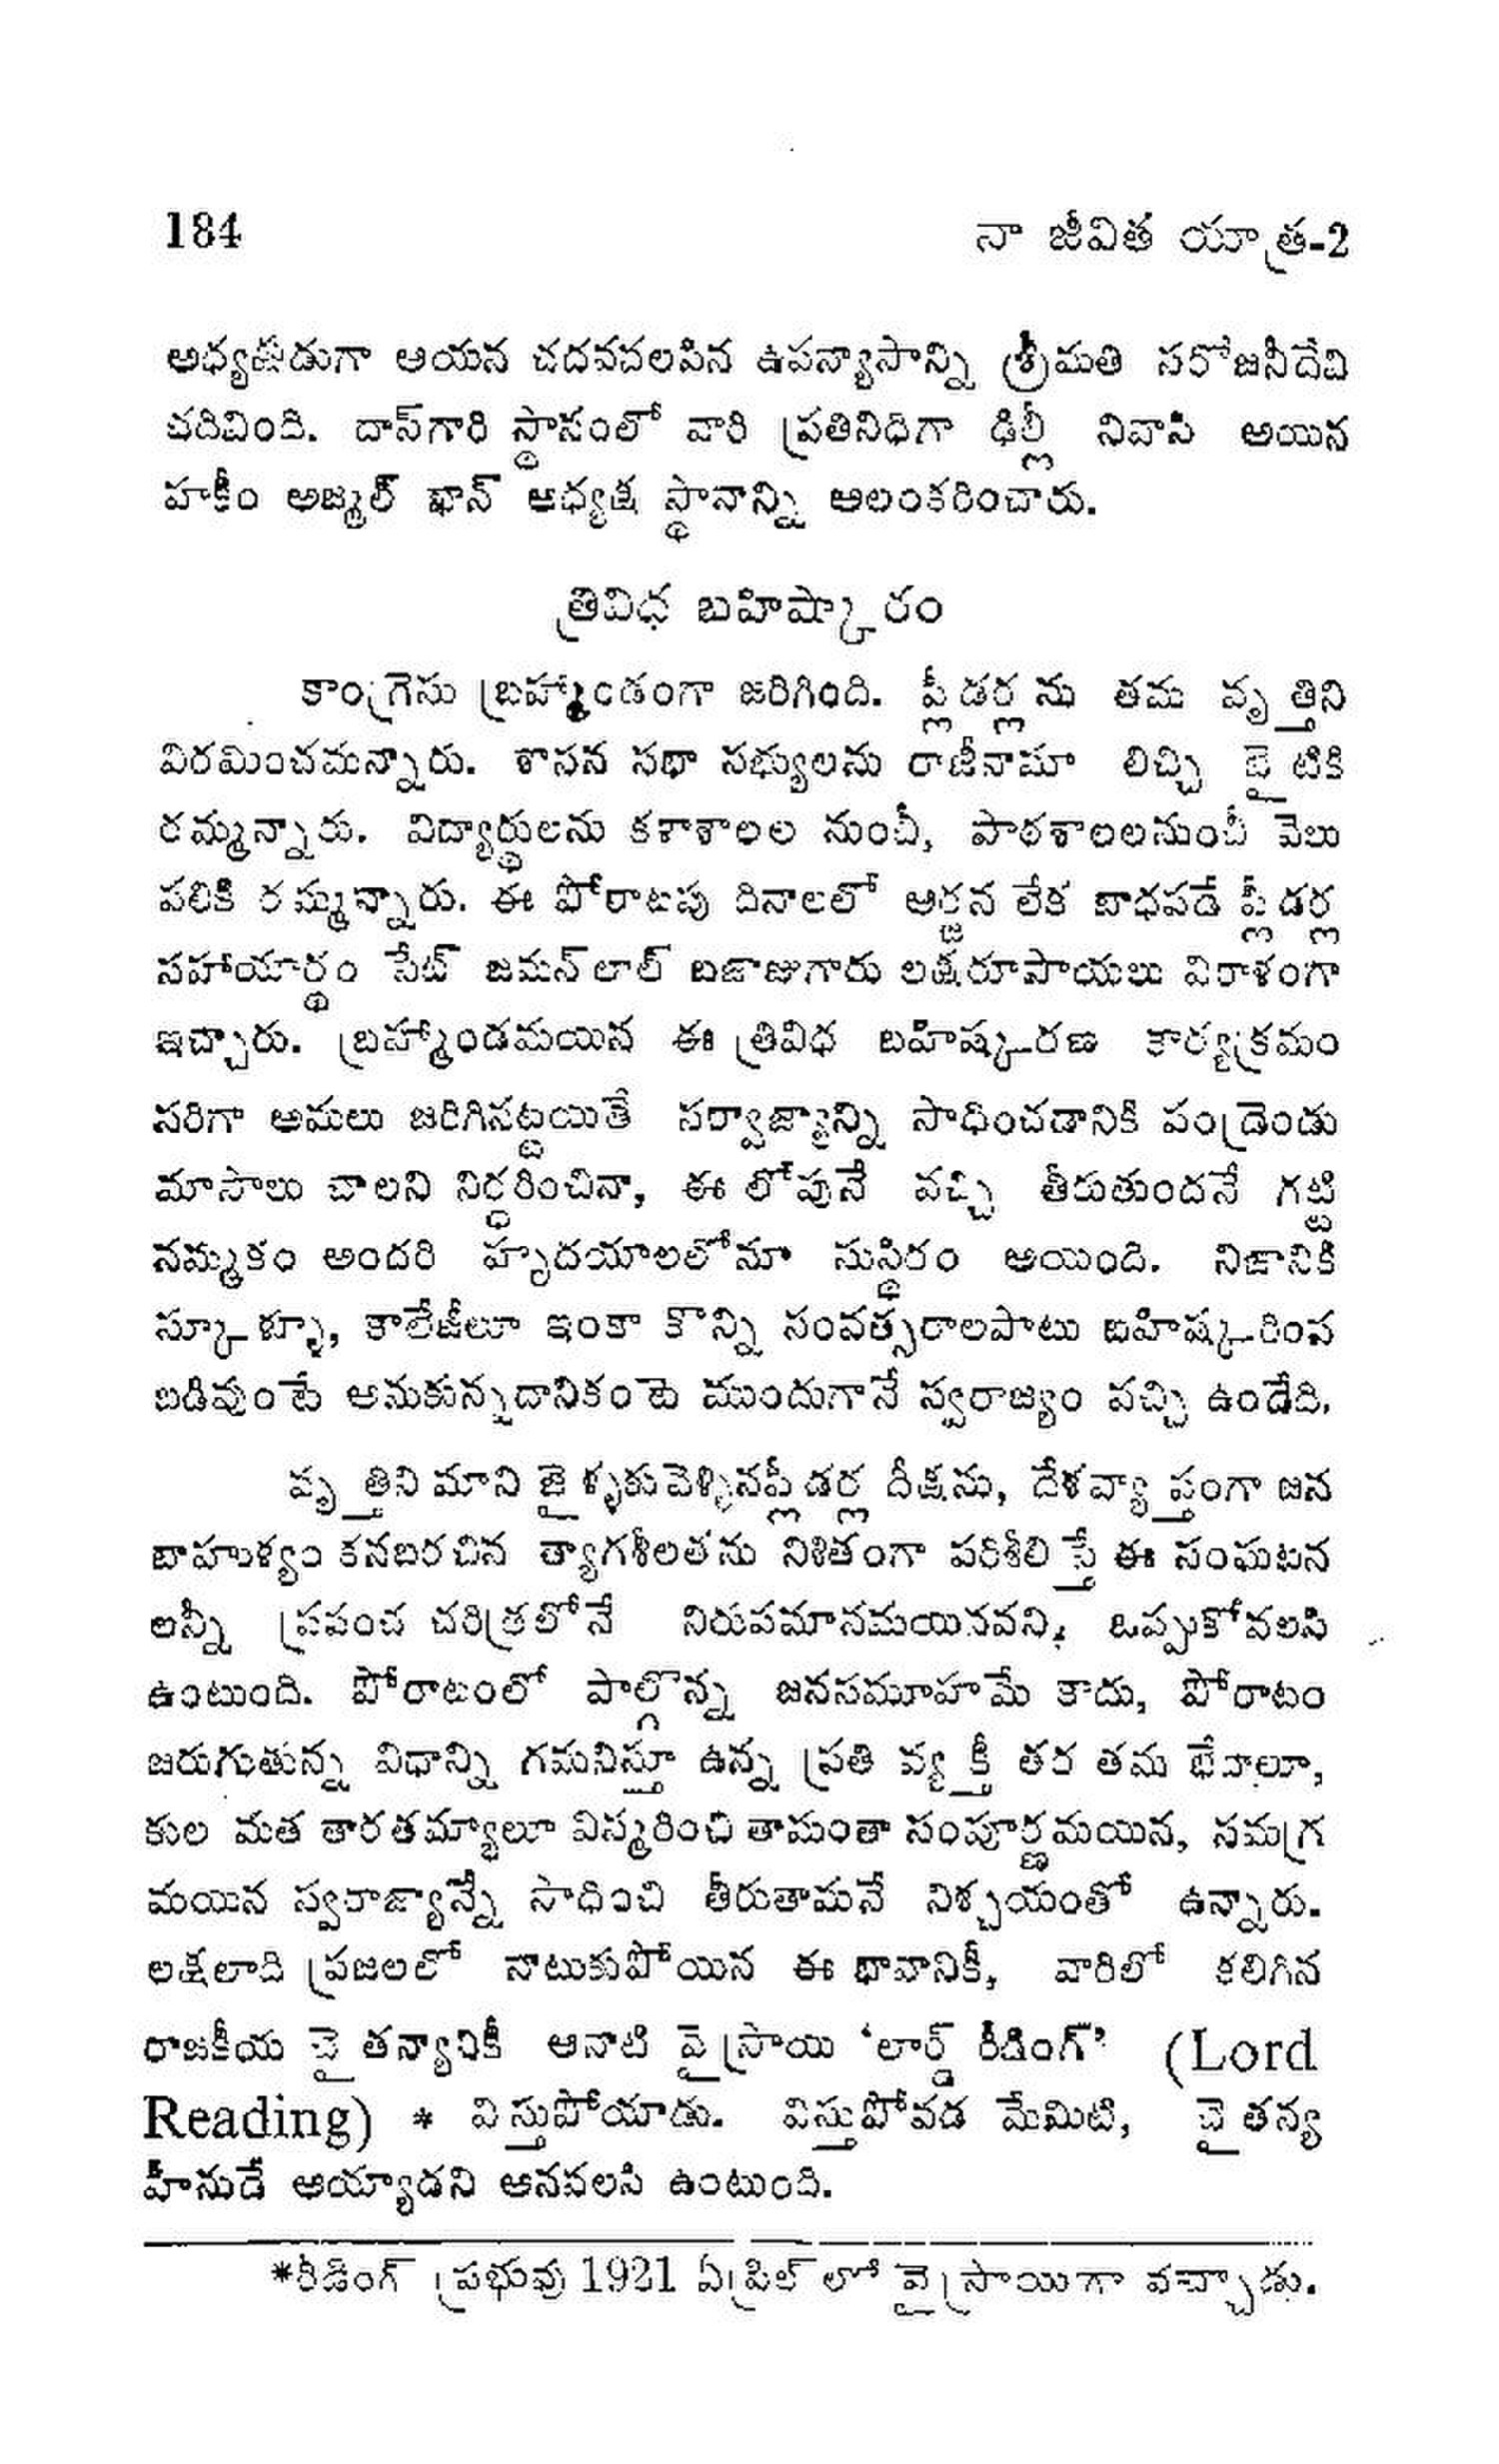అధ్యక్షుడుగా ఆయన చదవవలసిన ఉపన్యాసాన్ని శ్రీమతి సరోజనీదేవి చదివింది. దాస్‌గారి స్థానంలో వారి ప్రతినిధిగా డిల్లీ నివాసి అయిన హకీం అజ్మల్ ఖాన్ అధ్యక్ష స్థానాన్ని అలంకరించారు.

కాంగ్రెసు బ్రహ్మాండంగా జరిగింది. ప్లీడర్లను తమ వృత్తిని విరమించమన్నారు. శాసన సభా సభ్యులను రాజీనామా లిచ్చి బైటికి రమ్మన్నారు. విద్యార్థులను కళాశాలల నుంచీ, పాఠశాలల నుంచీ వెలుపలికి రమ్మన్నారు. ఈ పోరాటపు దినాలలో అర్జన లేక బాధపడే ప్లీడర్ల సహాయార్థం సేట్ జమన్ లాల్ బజాజుగారు లక్షరూపాయలు విరాళంగా ఇచ్చారు. బ్రహ్మాండమయిన ఈ త్రివిధ బహిష్కరణ కార్యక్రమం సరిగా అమలు జరిగినట్టయితే సర్వాజ్యాన్ని సాధించడానికి పండ్రెండు మాసాలు చాలని నిర్దరించినా, ఈ లోపునే వచ్చి తీరుతుందనే గట్టి నమ్మకం అందరి హృదయాలలోనూ సుస్థిరం అయింది. నిజానికి స్కూళ్ళూ, కాలేజీలూ ఇంకా కొన్ని సంవత్సరాలపాటు బహిష్కరింప బడివుంటే అనుకున్న దానికంటె ముందుగానే స్వరాజ్యం వచ్చి ఉండేది.

వృత్తిని మాని జైళ్ళకువెళ్ళిన ప్లీడర్ల దీక్షను, దేశవ్యాప్తంగా జనబాహుళ్యం కనబరచిన త్యాగశీలతను నిశితంగా పరిశీలిస్తే ఈ సంఘటన లన్నీ ప్రపంచ చరిత్రలోనే నిరుపమానమయినవని, ఒప్పుకోవలసి ఉంటుంది. పోరాటంలో పాల్గొన్న జనసమూహమే కాదు, పోరాటం జరుగుతున్న విధాన్ని గమనిస్తూ ఉన్న ప్రతి వ్యక్తీ తర తమ బేదాలూ, కుల మత తారతమ్యాలూ విస్మరించి తామంతా సంపూర్ణమయిన , సమగ్రమయిన స్వరాజ్యాన్నే సాదించి తీరుతామనే నిశ్చయంతో ఉన్నారు. లక్షలాది ప్రజలలో నాటుకుపోయిన ఈ భావానికీ, వారిలో కలిగిన రాజకీయ చైతన్యానికీ ఆనాటి వైస్రాయి "లార్డ్ రీడింగ్" (Lord Reading) *విస్తుపోయాడు. విస్తుపోవడ మేమిటి. చైతన్య హీనుడే అయ్యాడని అనవలసి ఉంటుంది.